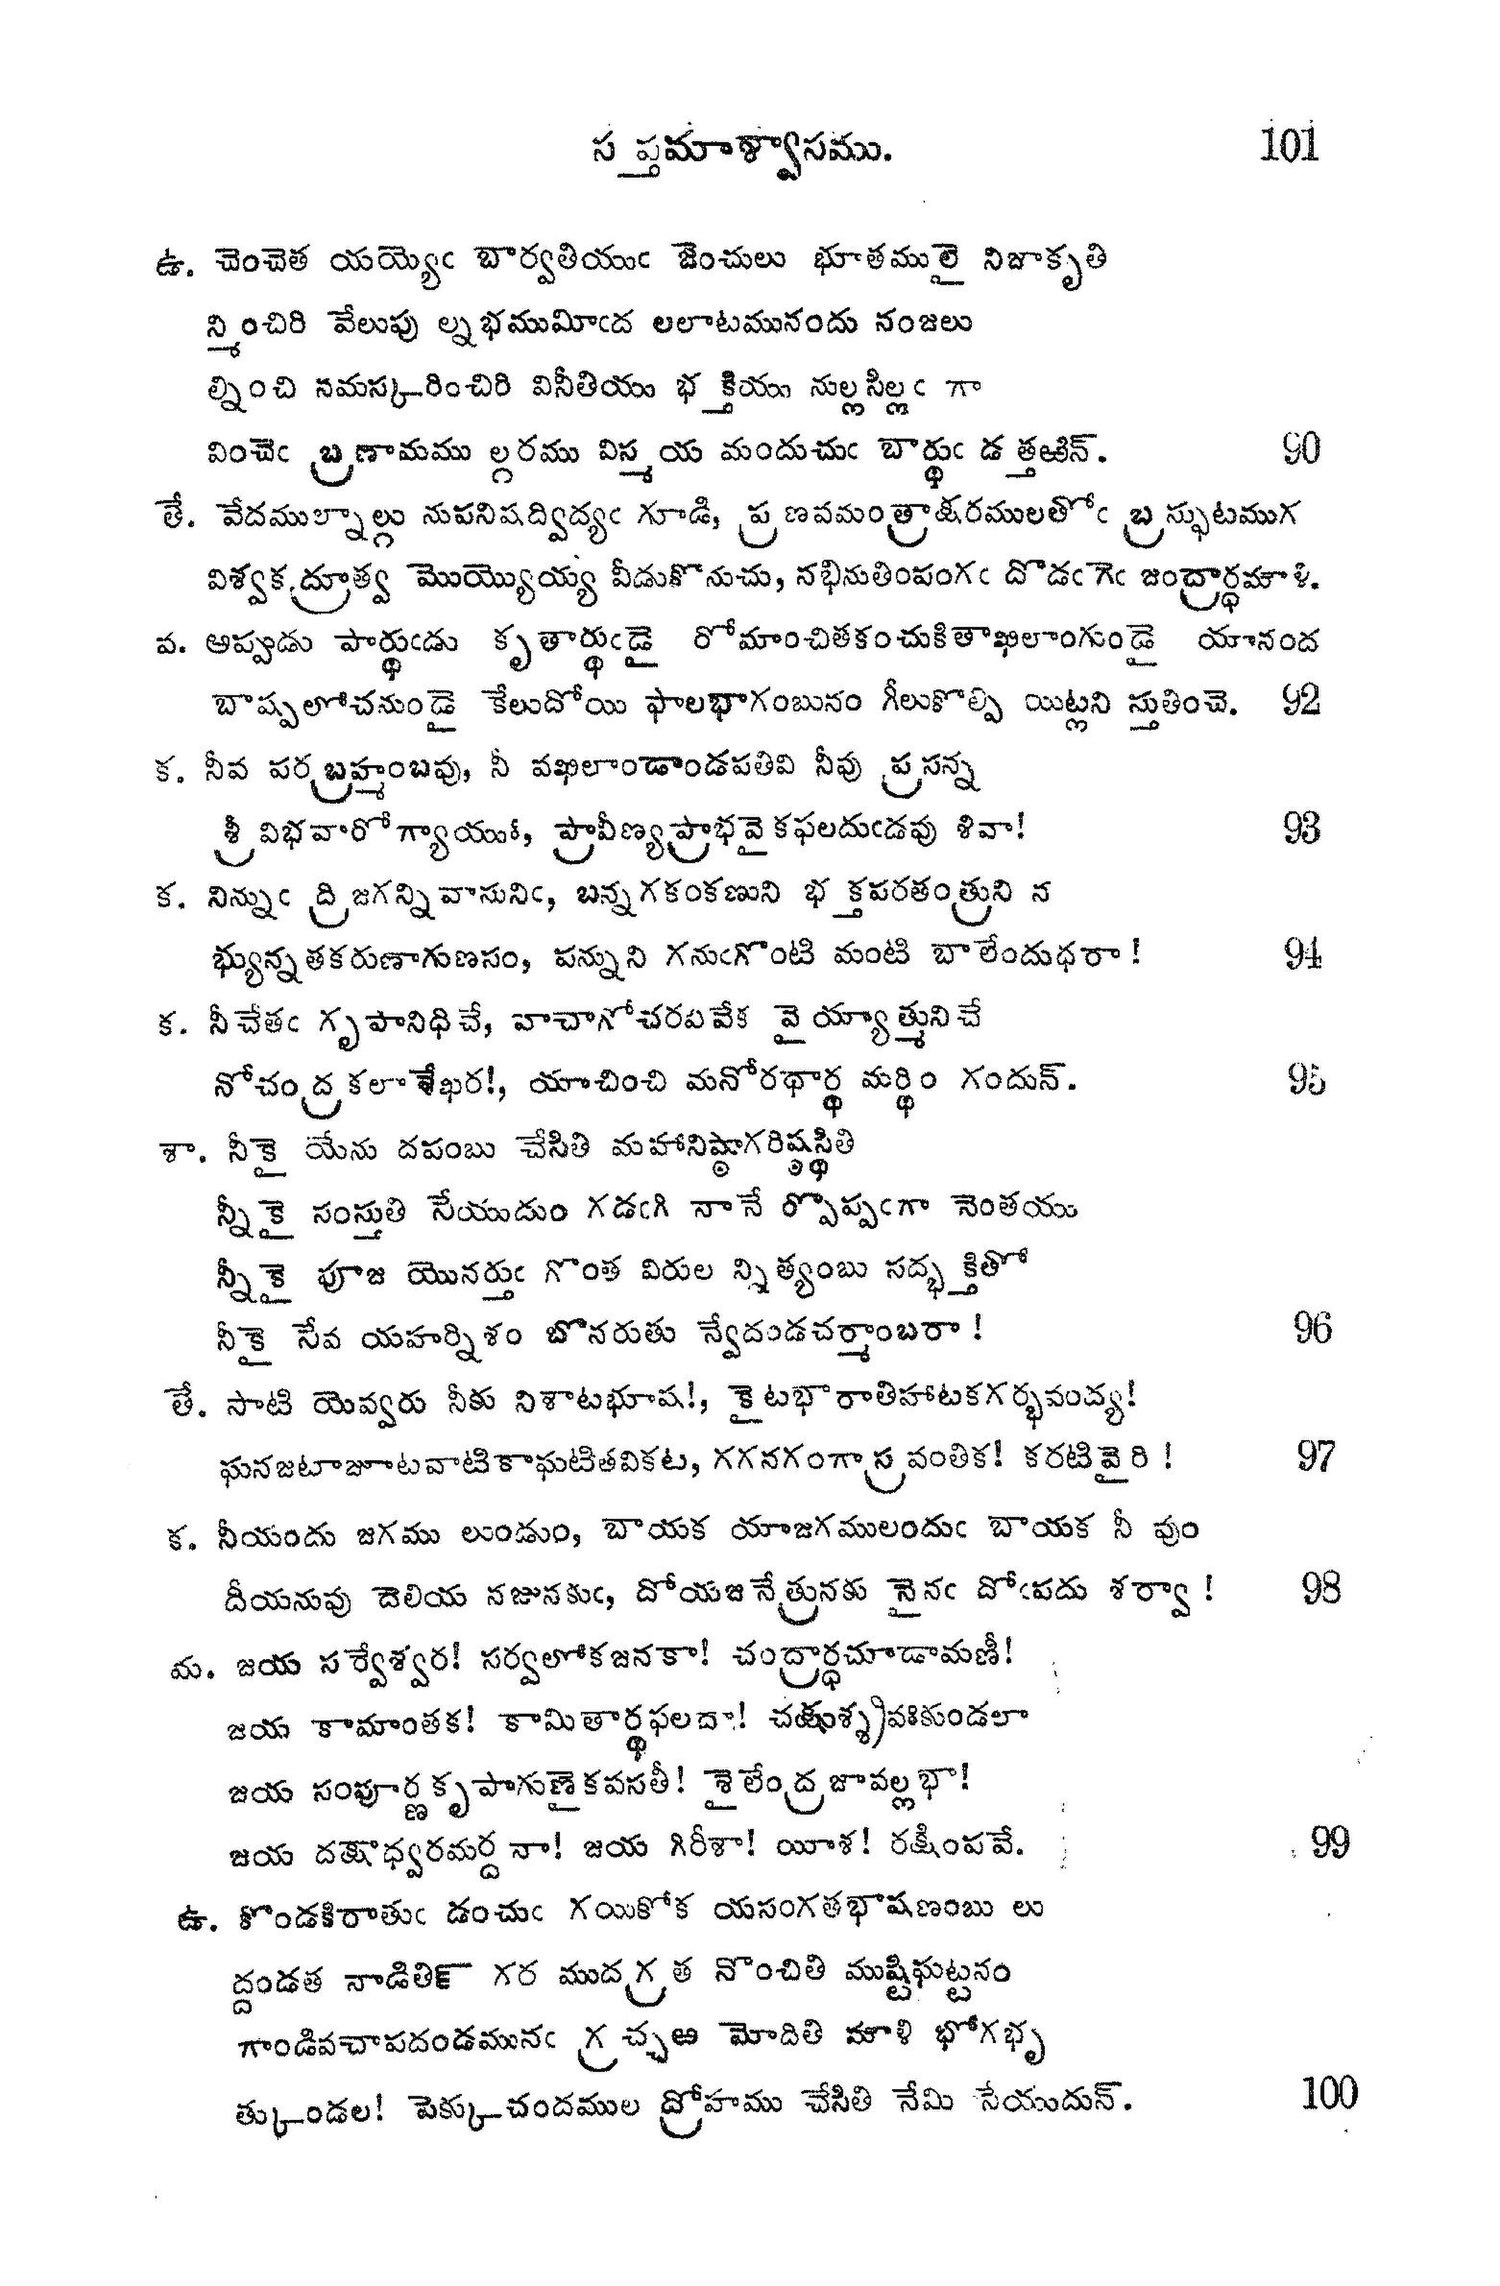ఉ. చెంచెత యయ్యెఁ బార్వతియుఁ జెంచులు భూతములై నిజాకృతి
న్మించిరి వేలుపు ల్నభముమీఁద లలాటమునందు నంజలు
ల్నించి నమస్కరించిరి వినీతియు భక్తియు నుల్లసిల్లఁ గా
వించెఁ బ్రణామము ల్గరము విస్మయ మందుచుఁ బార్థుఁ డత్తఱిన్. 90

తే. వేదముల్నాల్గు నుపనిషద్విద్యఁ గూడి, ప్రణవమంత్రాక్షరములతోఁ బ్రస్ఫుటముగ
విశ్వకద్రూత్వ మొయ్యొయ్య వీడుకొనుచు, నభినుతింపంగఁ దొడఁగెఁ జంద్రార్ధమౌళి. 91

వ. అప్పుడు పార్థుఁడు కృతార్థుఁడై రోమాంచితకంచుకితాఖిలాంగుండై యానందబాష్పలోచనుండై కేలుదోయి ఫాలభాగంబునం గీలుకొల్పి యిట్లని స్తుతించె. 92

క. నీవ పరబ్రహ్మంబవు, నీ వఖిలాండాండపతివి నీవు ప్రసన్న
శ్రీవిభవారోగ్యాయు, ప్రావీణ్యప్రాభవైకఫలదుఁడవు శివా! 93

క. నిన్నుఁ ద్రిజగన్నివాసునిఁ, బన్నగకంకణుని భక్తపరతంతుని న
భ్యున్నతకరుణాగుణసం, పన్నుని గనుఁగొంటి మంటి బాలేందుధరా ! 94

క. నీచేతఁ గృపానిధిచే, వాచాగోచరవివేకవైయ్యాత్మునిచే
నోచంద్రకలాశేఖర!, యాచించి మనోరథార్థ మర్థిం గందున్. 95

శా. నీకై యేను దపంబు చేసితి మహానిష్ఠాగరిష్ఠస్థితి
న్నీకై సంస్తుతి సేయుదుం గడఁగి నా నే ర్పొప్పఁగా నెంతయు
న్నీకై పూజ యొనర్తుఁ గొంత విరుల న్నిత్యంబు సద్భక్తితో
నీకై సేవ యహర్నిశం బొనరుతు న్వేదండచర్మాంబరా! 96

తే. సాటి యెవ్వరు నీకు నిశాటభూష!, కైటభారాతిహాటకగర్భవంధ్య!
ఘనజటాజూటవాటికాఘటితవికట, గగనగంగాస్రవంతిక! కరటివైరి! 97

క. నీయందు జగము లుండుం, బాయక యాజగములందుఁ బాయక నీ వుం
దీయనువు దెలియ నజునకుఁ, దోయజనేత్రునకు నైనఁ దోఁపదు శర్వా! 98

మ. జయ సర్వేశ్వర! సర్వలోకజనకా! చంద్రార్ధచూడామణీ!
జయ కామాంతక! కామితార్థఫలదా! చక్షుశ్శ్రవఃకుండలా!
జయ సంపూర్ణకృపాగుణైకవసతీ ! శైలేంద్రజావల్లభా!
జయ దధ్వరమర్ధనా! జయ గిరీశా! యీశ! రక్షింపవే. 99

ఉ. కొండకిరాతుఁ డంచుఁ గయికోక యసంగతభాషణంబు లు
ద్దండత నాడితిన్ గర ముదగ్రత నొంచితి ముష్టిఘట్టనం
గాండివచాపదండమునఁ గ్రచ్ఛఱ మోదితి మౌళి భోగభృ
త్కుండల! పెక్కుచందముల ద్రోహము చేసితి నేమి సేయుదున్. 100